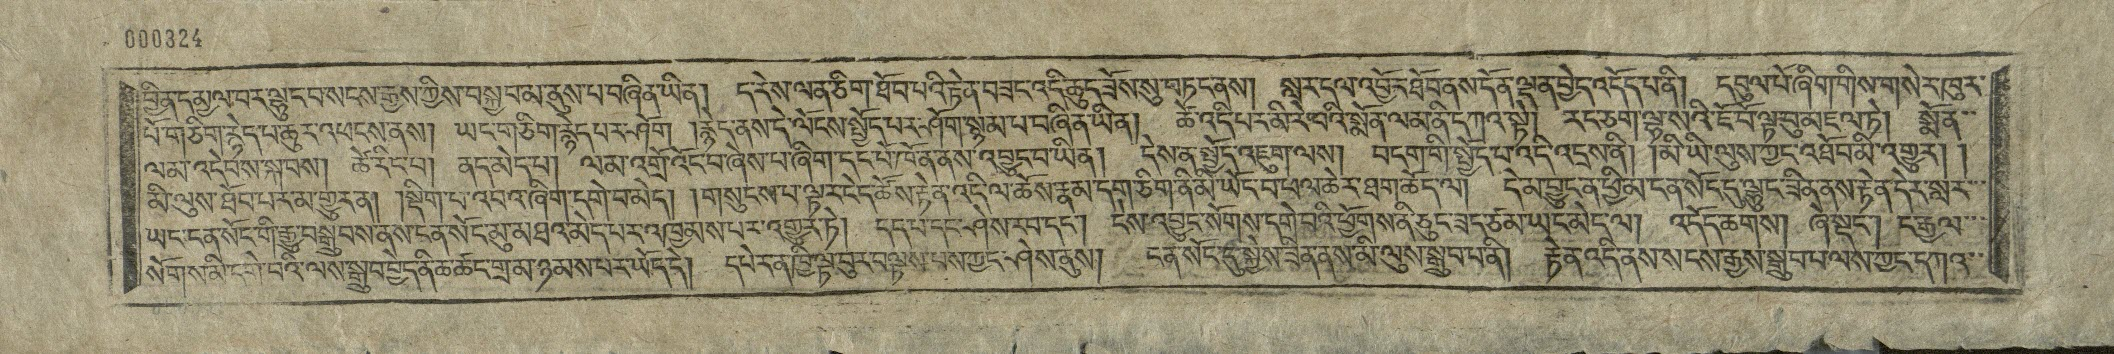བྱིན་དམྱལ་བར་ལྷུང་བ་སངས་རྒྱས་ཀྱིས་བསྐྱབ་མ་ནུས་པ་བཞིན་ཡིན། ད་རེས་ལན་ཅིག་ཐོབ་པའི་རྟེན་བཟང་འདི་ཆུད་ཟོས་སུ་བཏང་ནས། སླར་དལ་འབྱོར་ཐོབ་ནས་དོན་ལྡན་བྱེད་འདོད་པ་ནི། དབུལ་པོ་ཞིག་གིས་གསེར་ཁུར་
པོ་གཅིག་རྙེད་པ་ཆུར་འཕངས་ནས། ཡང་གཅིག་རྙེད་པར་ཤོག །རྙེད་ནས་དེ་ལོངས་སྤྱོད་པར་ཤོག་སྙམ་པ་བཞིན་ཡིན། ཚེ་འདི་པར་མི་རེ་བའི་སྨོན་ལམ་ནི་དཀའ་སྟེ། རང་ཅག་ལྷ་སའི་ཇོ་བོ་ལྟ་བུ་མཇལ་ཏེ། སྨོན་
ལམ་འདེབས་སྐབས། ཚེ་རིང་བ། ནད་མེད་པ། ལམ་འགྲོ་འོང་བ་ཞེས་པ་ཞིག་དང་པོ་ཁོ་ན་ནས་འབྱུང་བ་ཡིན། དེས་ན་སྤྱོད་འཇུག་ལས། བདག་གི་སྤྱོད་པ་འདི་འདྲས་ནི། །མི་ཡི་ལུས་ཀྱང་འཐོབ་མི་འགྱུར། །
མི་ལུས་ཐོབ་པར་མ་གྱུར་ན། །སྡིག་པ་འབའ་ཞིག་དགེ་བ་མེད། །གསུངས་པ་ལྟར་ངེད་ཚོས་རྟེན་འདི་ལ་ཆོས་རྣམ་དག་ཅིག་ནི་མི་ཡོང་བ་ཕལ་ཆེར་ཐག་ཆོད་ལ། དེ་མ་བྱུང་ན་ཕྱི་མ་ངན་སོང་དུ་ལྷུང་ཟིན་ནས་རྟེན་དེར་སླར་
ཡང་ངན་སོང་གི་རྒྱུ་བསྒྲུབས་ནས་ངན་སོང་མུ་མཐའ་མེད་པར་འཁྱམས་པར་འགྱུར་ཏེ། དད་པ་དང་ཤེས་རབ་དང་། ངེས་འབྱུང་སོགས་དགེ་བའི་ཕྱོགས་ནི་ཅུང་ཟད་ཙམ་ཡང་མེད་ལ། འདོད་ཆགས། ཞེ་སྡང་། ང་རྒྱལ་
སོགས་མི་དགེ་བའི་ལས་སྒྲུབ་བྱེད་ནི་ཆ་ཚང་གྲ་མ་ཉམས་པར་ཡོད་དེ། དཔེར་ན་ཁྱི་ལྟ་བུར་བལྟས་པས་ཀྱང་ཤེས་ནུས། ངན་སོང་དུ་སྐྱེས་ཟིན་ནས་མི་ལུས་སྒྲུབ་པ་ནི། རྟེན་འདི་ནས་སངས་རྒྱས་སྒྲུབ་པ་ལས་ཀྱང་དཀའ་